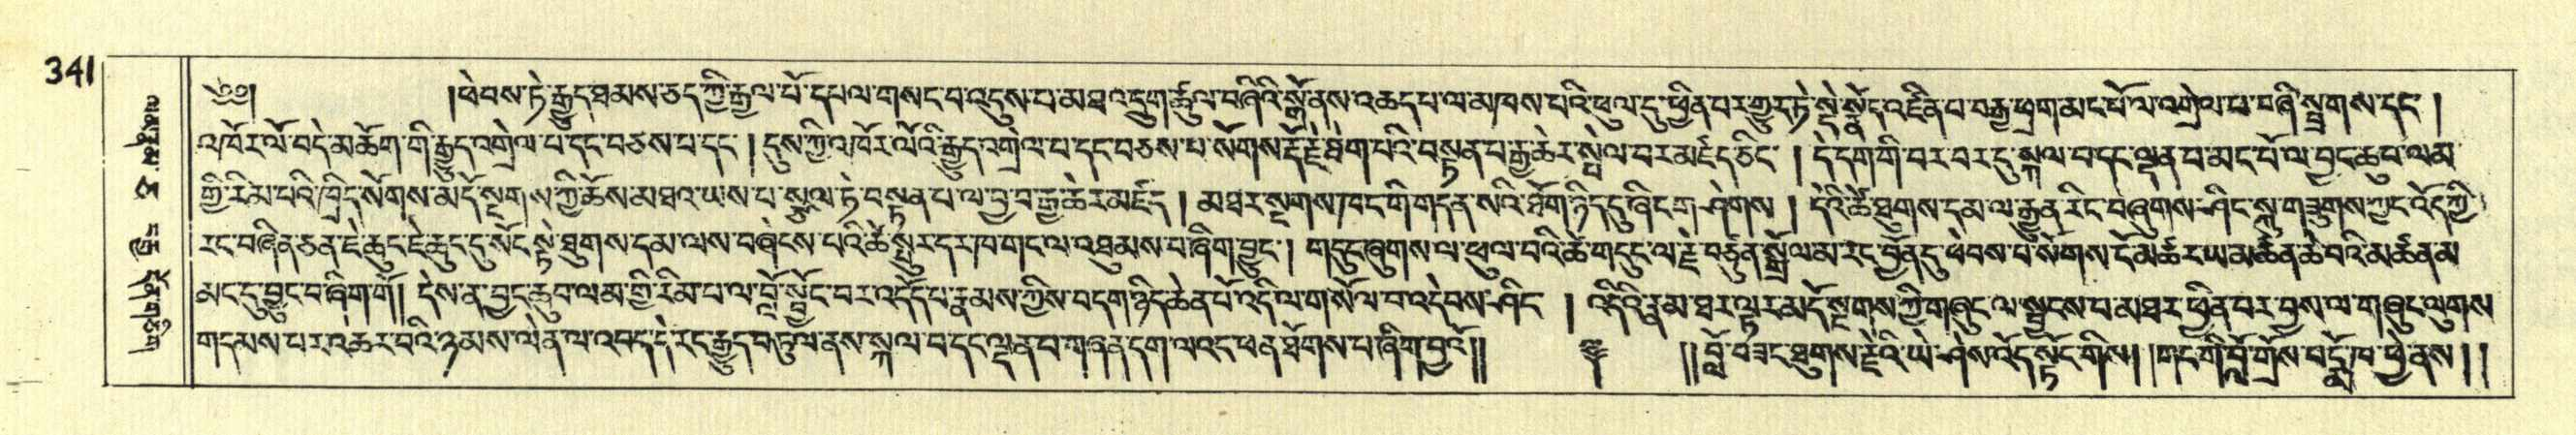༄༅། །ཕེབས་ཏེ་རྒྱུད་ཐམས་ཅད་ཀྱི་རྒྱལ་པོ་དཔལ་གསང་བ་འདུས་པ་མཐའ་དྲུག་ཚུལ་བཞིའི་སྒོ་ནས་འཆད་པ་ལ་མཁས་པའི་ཕུལ་དུ་ཕྱིན་པར་གྱུར་ཏེ་སྡེ་སྣོད་འཛིན་པ་བརྒྱ་ཕྲག་མང་པོ་ལ་འགྲེལ་པ་བཞི་སྦྲགས་དང་།
འཁོར་ལོ་བདེ་མཆོག་གི་རྒྱུད་འགྲེལ་པ་དང་བཅས་པ་དང་། དུས་ཀྱི་འཁོར་ལོའི་རྒྱུད་འགྲེལ་པ་དང་བཅས་པ་སོགས་རྡོ་རྗེ་ཐེག་པའི་བསྟན་པ་རྒྱ་ཆེར་སྤེལ་བར་མཛད་ཅིང་། དེ་དག་གི་བར་བར་དུ་སྐལ་བ་དང་ལྡན་པ་མང་པོ་ལ་བྱང་ཆུབ་ལམ་
གྱི་རིམ་པའི་ཁྲིད་སོགས་མདོ་སྔགས་ཀྱི་ཆོས་མཐའ་ཡས་པ་སྩལ་ཏེ་བསྟན་པ་ལ་བྱ་བ་རྒྱ་ཆེར་མཛད། མཐར་སྔགས་ཁང་གི་གདན་སའི་ཐོག་ཉིད་དུ་ཞིང་གཤེགས། དེའི་ཚེ་ཐུགས་དམ་ལ་རྒྱུན་རིང་བཞུགས་ཤིང་སྐུ་གཟུགས་ཀྱང་འོད་ཀྱི་
རང་བཞིན་ཅན་ཇེ་ཆུང་ཇེ་ཆུང་དུ་སོང་སྟེ་ཐུགས་དམ་ལས་བཞེངས་པའི་ཚེ་སྤུར་དར་ཁ་གང་ལ་འཐུམས་པ་ཞིག་བྱུང་། གདུང་ཞུགས་ལ་ཕུལ་བའི་ཚེ་གདུང་ལ་རྗེ་བཙུན་སྒྲོལ་མ་རང་བྱོན་དུ་ཕེབས་པ་སོགས་ངོ་མཚར་ཡ་མཚན་ཆེ་བའི་མཚན་མ་
མང་དུ་བྱུང་བ་ཞིག་གོ། །དེས་ན་བྱང་ཆུབ་ལམ་གྱི་རིམ་པ་ལ་བློ་སྦྱོང་བར་འདོད་པ་རྣམས་ཀྱིས་བདག་ཉིད་ཆེན་པོ་འདི་ལ་གསོལ་བ་འདེབས་ཤིང་། འདིའི་རྣམ་ཐར་ལྟར་མདོ་སྔགས་ཀྱི་གཞུང་ལ་སྦྱངས་པ་མཐར་ཕྱིན་པར་བྱས་ལ་གཞུང་ལུགས་
གདམས་པར་འཆར་བའི་ཉམས་ལེན་ལ་འབད་དེ་རང་རྒྱུད་བཏུལ་ནས་སྐལ་བ་དང་ལྡན་པ་གཞན་དག་ལའང་ཕན་ཐོགས་པ་ཞིག་བྱའོ།། ༈ །།བློ་བཟང་ཐུགས་རྗེའི་ཡེ་ཤེས་འོད་སྟོང་གིས། །གང་གིས་བློ་གྲོས་པདམོ་ཁ་ཕྱེ་ནས། །